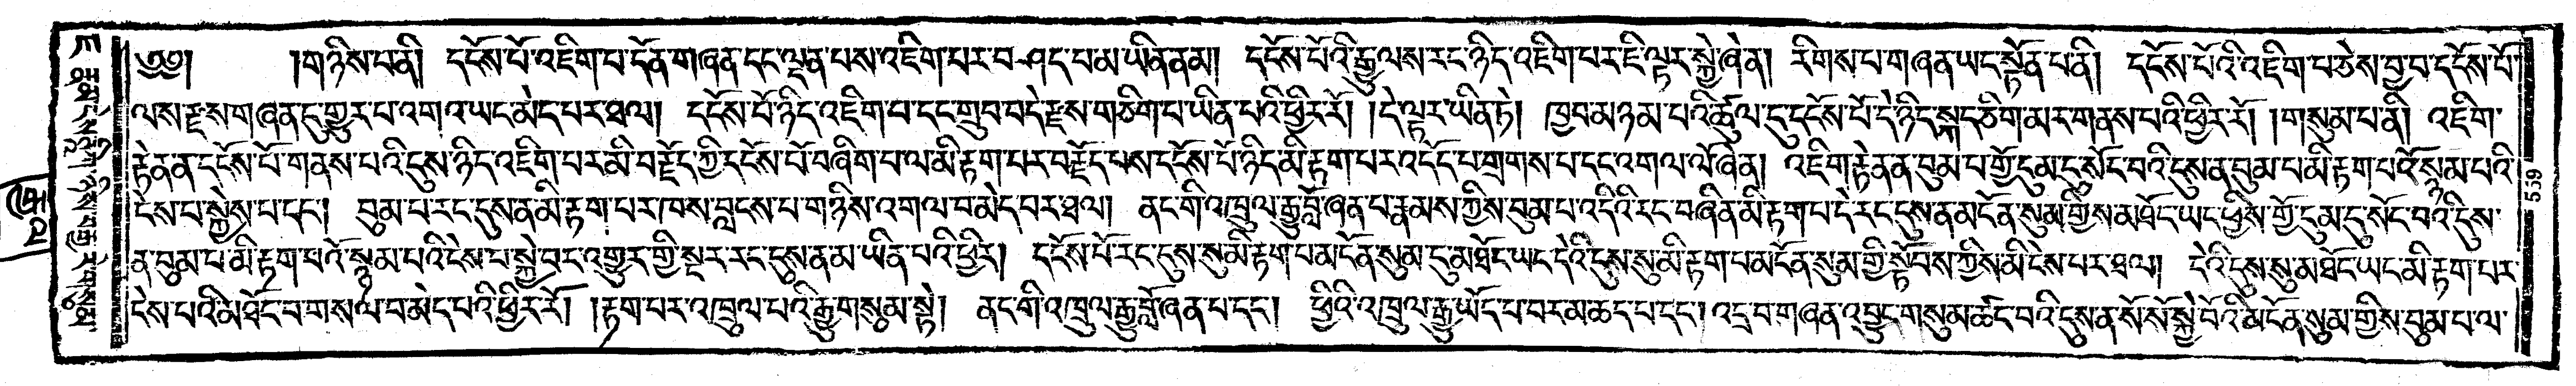༄༅། །གཉིས་པ་ནི། དངོས་པོ་འཇིག་པ་དོན་གཞན་དང་ལྡན་པས་འཇིག་པར་བཤད་པ་མ་ཡིན་ནམ། དངོས་པོའི་རྒྱུ་ལས་རང་ཉིད་འཇིག་པར་ཇི་ལྟར་སྐྱེ་ཞེ་ན། རིགས་པ་གཞན་ཡང་སྟོན་པ་ནི། དངོས་པོའི་འཇིག་པ་ཅེས་བྱ་བ་དངོས་པོ་
ལས་རྫས་གཞན་དུ་གྱུར་པ་འགའ་ཡང་མེད་པར་ཐལ། དངོས་པོ་ཉིད་འཇིག་པ་དང་གྲུབ་བདེ་རྫས་གཅིག་པ་ཡིན་པའི་ཕྱིར་རོ། །དེ་ལྟར་ཡིན་ཏེ། ཁྱབ་མཉམ་པའི་ཚུལ་དུ་དངོས་པོ་དེ་ཉིད་སྐད་ཅིག་མར་གནས་པའི་ཕྱིར་རོ། །གསུམ་པ་ནི། འཇིག་
རྟེན་ན་དངོས་པོ་གནས་པའི་དུས་ཉིད་འཇིག་པར་མི་བརྗོད་ཀྱི་དངོས་པོ་བཞིག་པ་ལ་མི་རྟག་པར་བརྗོད་པས་དངོས་པོ་ཉིད་མི་རྟག་པར་འདོད་པ་གྲགས་པ་དང་འགལ་ལོ་ཞེ་ན། འཇིག་རྟེན་ན་བུམ་པ་གྱོ་དུམ་དུ་སོང་བའི་དུས་ན་བུམ་པ་མི་རྟག་པའོ་སྙམ་པའི་
ངེས་པ་སྐྱེས་པ་དང་། བུམ་པ་རང་དུས་ན་མི་རྟག་པར་ཁས་བླངས་པ་གཉིས་འགལ་བ་མེད་པར་ཐལ། ནང་གི་འཁྲུལ་རྒྱུ་བློ་ཞན་པ་རྣམས་ཀྱིས་བུམ་པ་འདིའི་རང་བཞིན་མི་རྟག་པ་དེ་རང་དུས་ན་མངོན་སུམ་གྱིས་མཐོང་ཡང་ཕྱིས་གྱོ་དུམ་དུ་སོང་བའི་དུས་
ན་བུམ་པ་མི་རྟག་པའོ་སྙམ་པའི་ངེས་པ་སྐྱེ་བར་འགྱུར་གྱི་སྔར་རང་དུས་ན་མ་ཡིན་པའི་ཕྱིར། དངོས་པོ་རང་དུས་སུ་མི་རྟག་པ་མངོན་སུམ་དུ་མཐོང་ཡང་དེའི་དུས་སུ་མི་རྟག་པ་མངོན་སུམ་གྱི་སྟོབས་ཀྱིས་མི་ངེས་པར་ཐལ། དེའི་དུས་སུ་མཐོང་ཡང་མི་རྟག་པར་
ངེས་པའི་མཐོང་བ་གསལ་བ་མེད་པའི་ཕྱིར་རོ། །རྟག་པར་འཁྲུལ་པའི་རྒྱུ་གསུམ་སྟེ། ནང་གི་འཁྲུལ་རྒྱུ་བློ་ཞན་པ་དང་། ཕྱིའི་འཁྲུལ་རྒྱུ་ཡོད་པ་བར་མ་ཆད་པ་དང་། འདྲ་བ་གཞན་འབྱུང་གསུམ་ཚང་བའི་དུས་ན་སོ་སོ་སྐྱེ་བོའི་མངོན་སུམ་གྱིས་བུམ་པ་ལ་